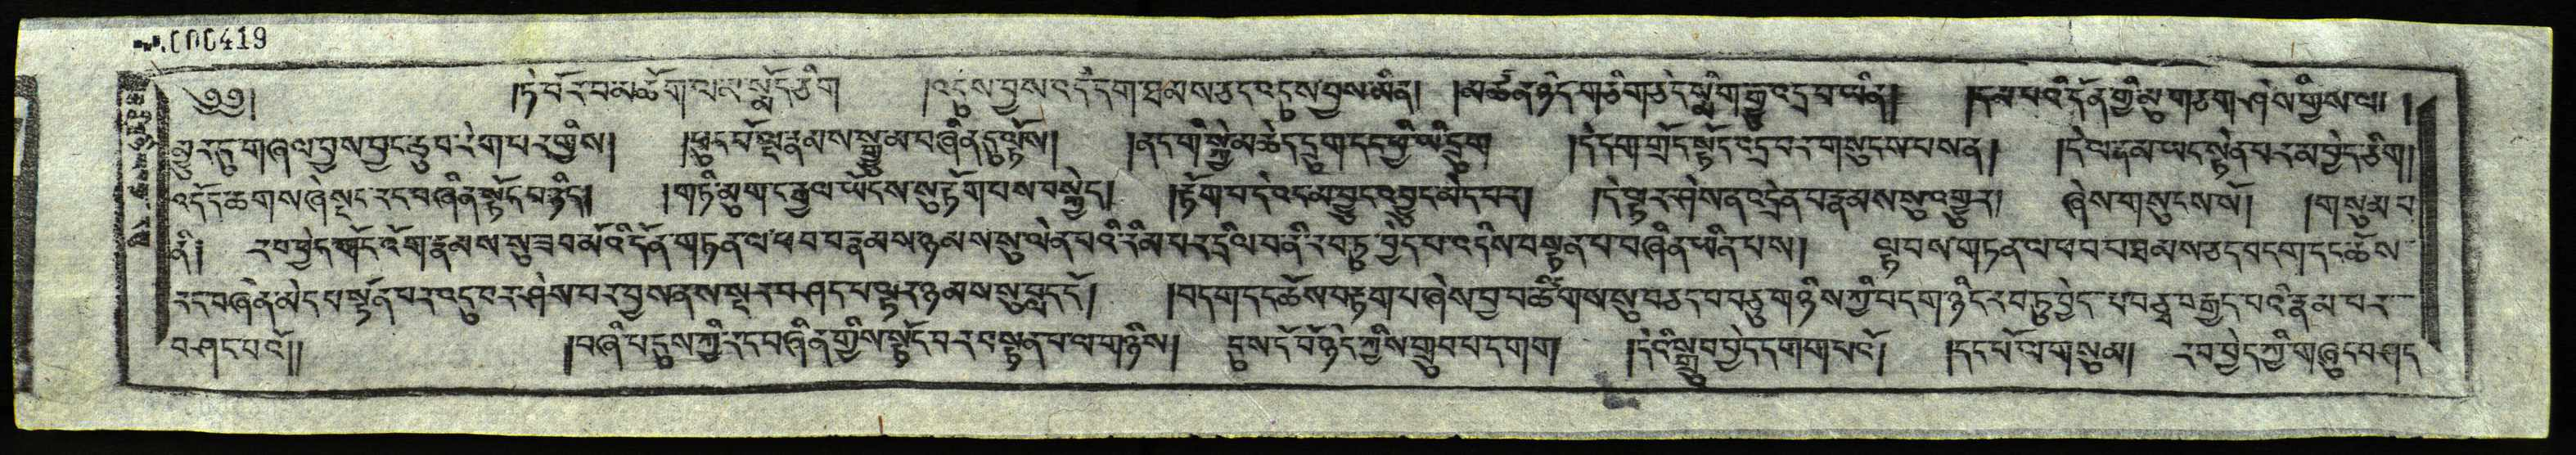༄༅། །ཏེ་བོར་བ་མཆོག་ལ་མ་སྨོད་ཅིག །འདུས་བྱས་འདི་དག་ཐམས་ཅད་འདུས་བྱས་མིན། །མཚན་ཉིད་གཅིག་ཅིང་སྨིག་རྒྱུ་འདྲ་བ་ཡིན། །དམ་པའི་དོན་གྱི་མུ་གཅིག་ཤེས་གྱིས་ལ། །
མྱུར་དུ་གཞལ་བྱས་བྱང་ཆུབ་རེག་པར་གྱིས། །ཕུང་པོ་ལྔ་རྣམས་སྒྱུ་མ་བཞིན་དུ་ལྟོས། །ནང་གི་སྐྱེ་མཆེད་དྲུག་དང་ཕྱི་ཡི་དྲུག །དེ་དག་གྲོང་སྟོང་འདྲ་བར་གསུངས་པས་ན། །དེ་ལ་ནམ་ཡང་སྟེན་པར་མ་བྱེད་ཅིག །
འདོད་ཆགས་ཞེ་སྡང་རང་བཞིན་སྟོང་པ་ཉིད། །གཏི་མུག་ང་རྒྱལ་ཡོངས་སུ་རྟོག་པས་བསྐྱེད། །རྟོག་པ་དེའང་མ་བྱུང་འབྱུང་མེད་པར། །དེ་ལྟར་ཤེས་ན་འདྲེན་པ་རྣམས་སུ་འགྱུར། ཞེས་གསུངས་སོ། །གསུམ་པ་
ནི༑ རབ་ཕྱེད་གོང་འོག་རྣམས་སུ་ཟབ་མོའི་དོན་གཏན་ལ་ཕབ་པ་རྣམས་ཉམས་སུ་ལེན་པའི་རིམ་པར་དྲིལ་བ་ནི་རབ་ཏུ་བྱེད་པ་འདིས་བསྟན་པ་བཞིན་ཡིན་པས། ལྟ་བས་གཏན་ལ་ཕབ་པ་ཐམས་ཅད་བདག་དང་ཆོས་
རང་བཞིན་མེད་པ་སྟོན་པར་འདུ་བར་ཤེས་པར་བྱས་ནས་སྔར་བཤད་པ་ལྟར་ཉམས་སུ་བླང་ངོ། །བདག་དང་ཆོས་བརྟག་པ་ཞེས་བྱ་བ་ཚིགས་སུ་བཅད་པ་བཅུ་གཉིས་ཀྱི་བདག་ཉིད་རབ་ཏུ་བྱེད་པ་བཅྭ་བརྒྱད་པའི་རྣམ་པར་
བཤད་པའོ།། །།བཞི་པ་དུས་ཀྱི་རང་བཞིན་གྱིས་སྟོང་བར་བསྟན་པ་ལ་གཉིས། དུས་ངོ་བོ་ཉིད་ཀྱིས་གྲུབ་པ་དགག །དེའི་སྒྲུབ་བྱེད་དགག་པའོ། །དང་པོ་ལ་གསུམ། རབ་བྱེད་ཀྱི་གཞུང་བཤད་